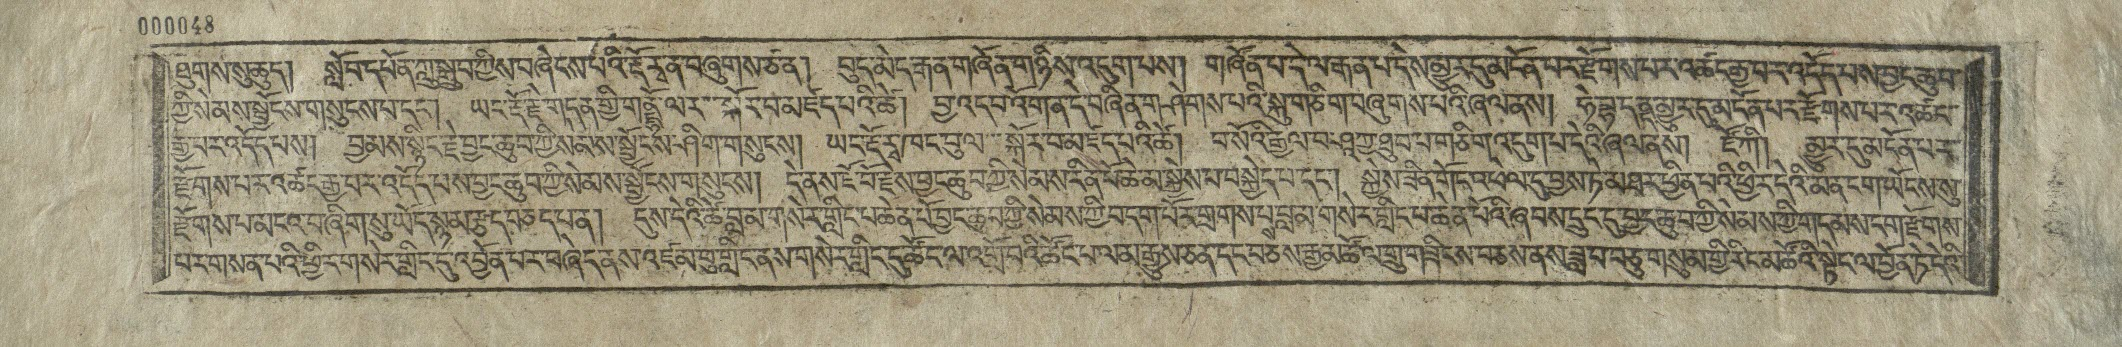ཐུགས་སུ་ཆུད། སློབ་དཔོན་ཀླུ་སྒྲུབ་ཀྱིས་བཞེངས་པའི་རྡོ་རྭ་ན་བཞུགས་ཅེ་ན། བུད་མེད་རྒན་གཞོན་གཉིས་འདུག་པས། གཞོན་པ་དེ་ལ་རྒན་པ་དེས་མྱུར་དུ་མངོན་པར་རྫོགས་པར་འཚང་རྒྱ་བར་འདོད་པས་བྱང་ཆུབ་
ཀྱི་སེམས་སྦྱོངས་གསུངས་པ་དང་། ཡང་རྡོ་རྗེ་གདན་གྱི་གནྡྷོ་ལར་སྐོར་བ་མཛད་པའི་ཚེ། བྱ་འདབ་འོག་ན་དེ་བཞིན་གཤེགས་པའི་སྐུ་གཅིག་བཞུགས་པའི་ཞལ་ནས། ཧེ་བྷ་དནྡ་མྱུར་དུ་མངོན་པར་རྫོགས་པར་འཚང་
རྒྱ་བར་འདོད་པས། བྱམས་སྙིང་རྗེ་བྱང་ཆུབ་ཀྱི་སེམས་སྦྱོང་ཤིག་གསུངས། ཡང་རྡོ་རྭ་ཁང་བུ་ལ་སྐོར་བ་མཛད་པའི་ཚེ། བ་སོའི་རྒྱལ་བ་ཤཱཀྱ་ཐུབ་པ་གཅིག་འདུག་པ་དེའི་ཞལ་ནས། ཛོ་ཀི། མྱུར་དུ་མངོན་པར་
རྫོགས་པར་འཚང་རྒྱ་བར་འདོད་པས་བྱང་ཆུབ་ཀྱི་སེམས་སྦྱོངས་གསུངས། དེ་ནས་ཇོ་བོ་རྗེས་བྱང་ཆུབ་ཀྱི་སེམས་རིན་པོ་ཆེ་མ་སྐྱེས་པ་བསྐྱེད་པ་དང་། སྐྱེས་ཟིན་གོང་འཕེལ་དུ་བྱས་ཏེ་མཐར་ཕྱིན་པའི་ཕྱིར་དེའི་མན་ངག་ཡོངས་སུ་
རྫོགས་པ་མངའ་བ་ཞིག་སུ་ཡོད་སྙམ་རྩད་བཅད་པ་ན། དུས་དེའི་ཚེ་བླ་མ་གསེར་གླིང་པ་ཆེན་པོ་བྱང་ཆུབ་ཀྱི་སེམས་ཀྱི་བདག་པོར་གྲགས་པས་བླ་མ་གསེར་གླིང་པ་ཆེན་པོའི་ཞབས་དྲུང་དུ་བྱང་ཆུབ་ཀྱི་སེམས་གདམས་ངག་རྫོགས་
པར་གསན་པའི་ཕྱིར་གསེར་གླིང་དུ་འབྱོན་པར་བཞེད་ནས་འཛམ་བུ་གླིང་ནས་གསེར་གླིང་དུ་ཚོང་ལ་འགྲོ་བའི་ཚོང་པ་ལམ་རྒྱུས་ཅན་དང་བཅས་རྒྱ་མཚོ་ལ་གྲུ་གཟིངས་བཅས་ནས་ཟླ་བ་བཅུ་གསུམ་གྱི་རིང་མཚོའི་སྟེང་ལ་བྱོན་ཏེ་དེའི་